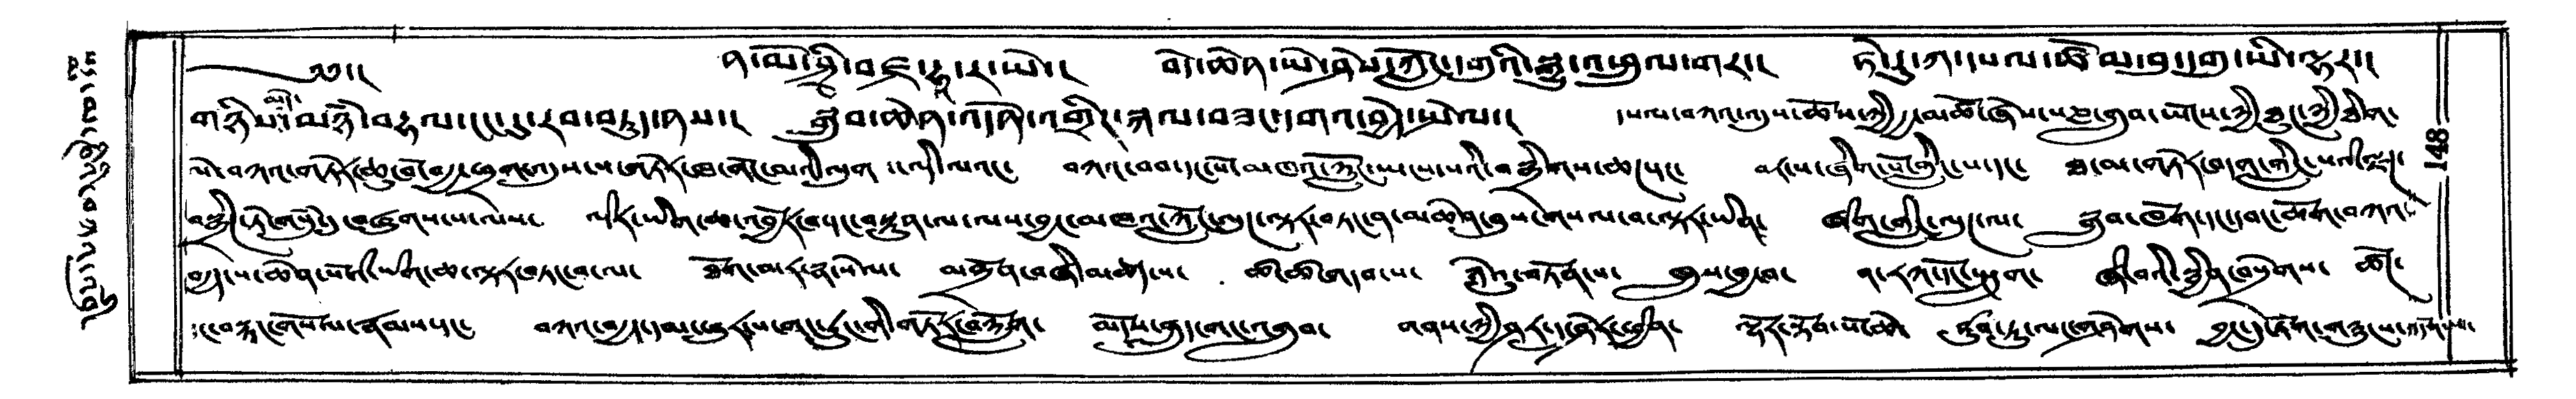༄༅། ན་མོ་ཤྲཱི་བཛྲ་དྷཱ་ར་ཡེ། བདེ་ཆེན་ཡེ་ཤེས་ཀློང་དགུའི་སྒྱུ་འཕྲུལ་གར། །ཧེ་རུ་ཀ་དཔལ་ཚོམ་བུ་དགུ་ཡི་ལྷར། །
གཉིས་མེད་མཉམ་བརྡལ་ངང་དུ་རབ་བཏུད་ནས། །སྒྲུབ་ཆེན་འདོན་འགྲིགས་སྐལ་བཟང་དགའ་བྱེད་སྤེལ། །དཔལ་བཀའ་འདུས་ཆོས་ཀྱི་རྒྱ་མཚོ་ཞེས་པཎ་གྲུབ་ཡོངས་ཀྱི་ཐུགས་ཀྱི་ཐིག་
ལེ་བཀའ་གཏེར་ཆུ་བོ་བརྒྱ་ཕྲག་འདུས་པ་གཏེར་ཁ་གོང་མའི་ལུགས་འདི་ལའང་། བཀའ་བབས་དང་པོ་མཁའ་ཀློང་ཡངས་པའི་བསྒྲིགས་ཆོག་དང་། བར་པ་ཞིག་པོ་གླིང་པ་དང་། ཐ་མ་གཏེར་བདག་གླིང་པའི་ལྗགས་
བསྒྲིགས་ཏེ་གསུམ་དུ་བཞུགས་པ་ལས། འདིར་ཡིག་ཆ་འབྱོར་བ་དང་བསྟུན་ལ་ལས་བྱང་མཁའ་ཀློང་ལུགས་ལྟར་བཏང་ན་མཆན་བུས་གསལ་བ་ལྟར་ཡིན། ཞིག་གླིང་ལུགས་ལ། སྒྲུབ་ཁོག་དང་དབང་ཆོག་བཀའ་
བརྒྱད་ཆེན་པོའི་ཡིག་ཆ་ལྟར་བཏང་བ་ལ། ཐོག་མར་སྣ་སེལ། མགྲོན་བཞི་མཆོད་པ། ཚ་ཚ་གདབ་པ། ཉེའུ་འདོན་པ། ཁྲུས་བྱ་བ། ན་རཀ་དོང་སྤྲུགས། ཞི་བའི་སྦྱིན་སྲེག ཚོགས་
དང་སྐོང་གསོལ་རྣམས་དང་། བཀའ་བརྒྱད་དམ་ཕུར་པ་གང་རུང་གི་གཏོར་ཟློག མདོས་གླུད་གང་འགྲུབ། གནས་ཀྱི་ཤར་དུ་ཤེར་ཕྱིན། ལྷོར་སྟོབས་པོ་ཆེ། ནུབ་ཏུ་ལང་གཤེགས། བྱང་དུ་ཏོག་གཟུངས་འདོན་པ་